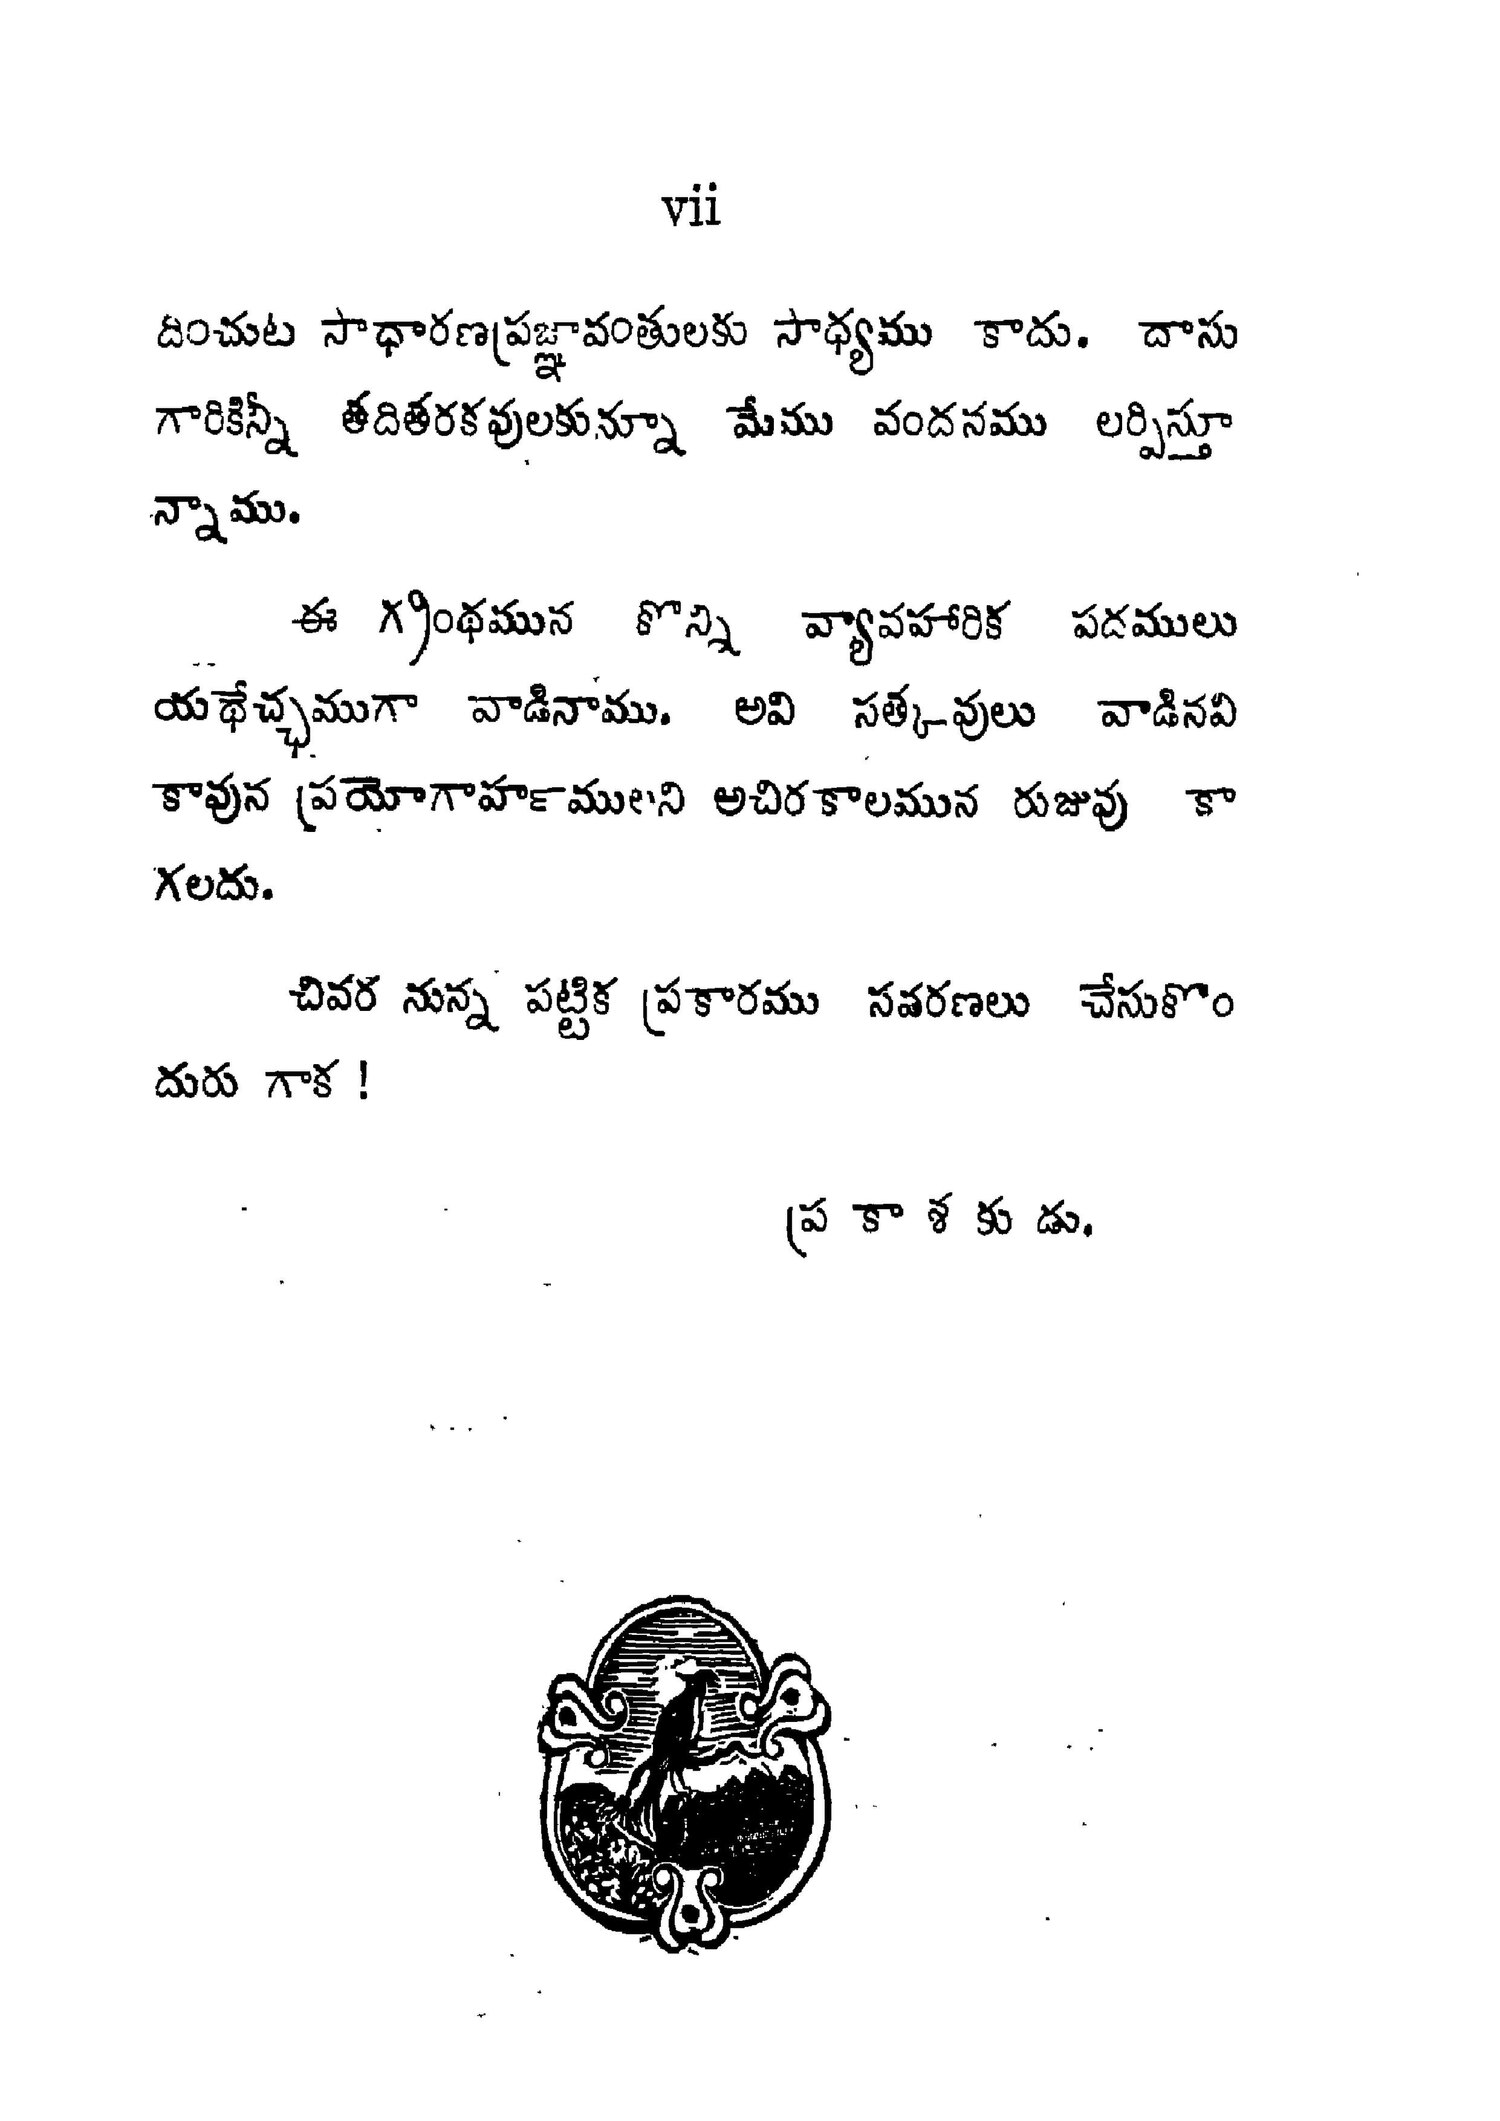దించుట సాధారణప్రజ్ఞావంతులకు సాధ్యము కాదు. దాసు గారికిన్నీ తదితరకవులకున్నూ మేము వందనము లర్పిస్తూన్నాము.

ఈ గ్రంథమున కొన్ని వ్యావహారిక పదములు యథేచ్ఛముగా వాడినాము. అవి సత్కవులు వాడినవి కావున ప్రయోగాహన్‌ములని అచిరకాలమున రుజువు కా గలదు.

చివర నున్న పట్టిక ప్రకారము సవరణలు చేసుకొందురు గాక !